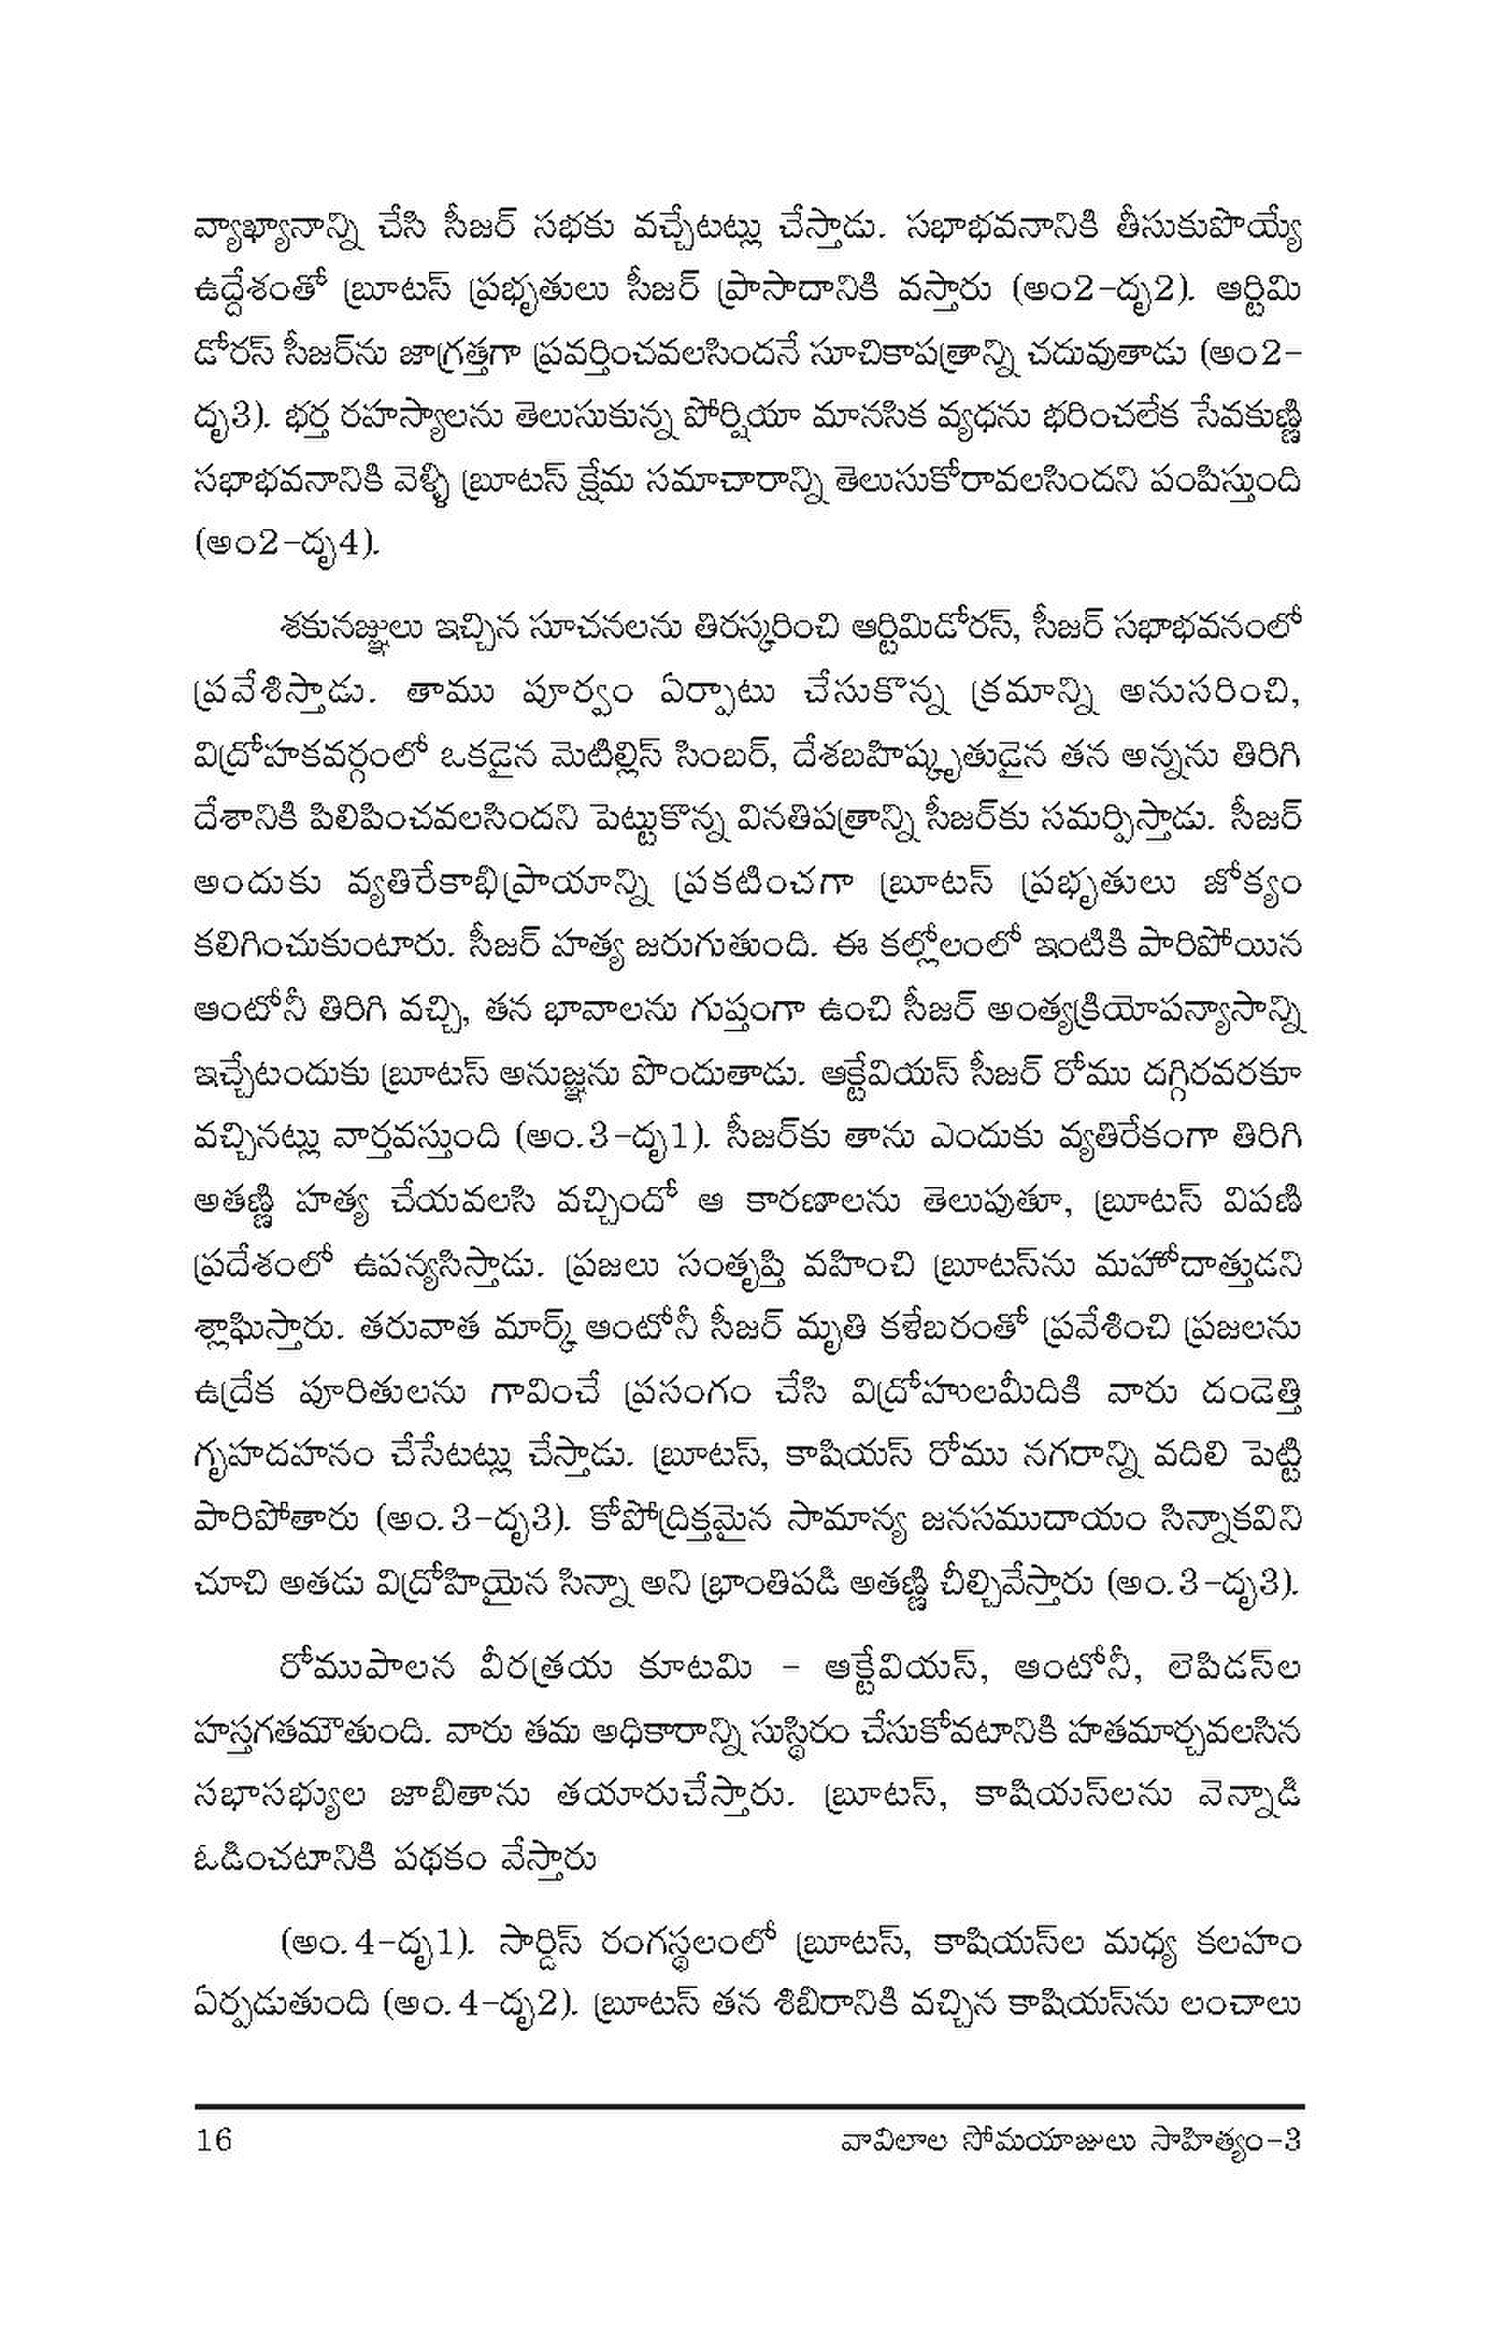వ్యాఖ్యానాన్ని చేసి సీజర్ సభకు వచ్చేటట్లు చేస్తాడు. సభాభవనానికి తీసుకుపొయ్యే ఉద్దేశంతో బ్రూటస్ ప్రభృతులు సీజర్ ప్రాసాదానికి వస్తారు (అం2 -దృ2). ఆర్టిమి డోరస్ సీజర్ ను జాగ్రత్తగా ప్రవర్తించవలసిందనే సూచికాపత్రాన్ని చదువుతాడు (అం2 -దృ3). భర్త రహస్యాలను తెలుసుకున్న పోర్షియా మానసిక వ్యధను భరించలేక సేవకుణ్ణి
సభాభవనానికి వెళ్ళి బ్రూటస్ క్షేమ సమాచారాన్ని తెలుసుకోరావలసిందని పంపిస్తుంది (అం2-దృ4).

శకునజ్ఞులు ఇచ్చిన సూచనలను తిరస్కరించి ఆర్టిమిడోరస్, సీజర్ సభాభవనంలో ప్రవేశిస్తాడు. తాము పూర్వం ఏర్పాటు చేసుకొన్న క్రమాన్ని అనుసరించి, విద్రోహకవర్గంలో ఒకడైన మెటిల్లిస్ సింబర్, దేశబహిష్కృతుడైన తన అన్నను తిరిగి దేశానికి పిలిపించవలసిందని పెట్టుకొన్న వినతిపత్రాన్ని సీజర్ కు సమర్పిస్తాడు. సీజర్ అందుకు వ్యతిరేకాభిప్రాయాన్ని ప్రకటించగా బ్రూటస్ ప్రభృతులు జోక్యం కలిగించుకుంటారు. సీజర్ హత్య జరుగుతుంది. ఈ కల్లోలంలో ఇంటికి పారిపోయిన ఆంటోనీ తిరిగి వచ్చి, తన భావాలను గుప్తంగా ఉంచి సీజర్ అంత్యక్రియోపన్యాసాన్ని ఇచ్చేటందుకు బ్రూటస్ అనుజ్ఞను పొందుతాడు. ఆక్టేవియస్ సీజర్ రోము దగ్గిరవరకూ
వచ్చినట్లు వార్తవస్తుంది (అం.3-దృ1). సీజర్ కు తాను ఎందుకు వ్యతిరేకంగా తిరిగి అతణ్ణి హత్య చేయవలసి వచ్చిందో ఆ కారణాలను తెలుపుతూ, బ్రూటస్ విపణి ప్రదేశంలో ఉపన్యసిస్తాడు. ప్రజలు సంతృప్తి వహించి బ్రూటస్ ను మహోదాత్తుడని శ్లాఘిస్తారు. తరువాత మార్క్ ఆంటోనీ సీజర్ మృతి కళేబరంతో ప్రవేశించి ప్రజలను ఉద్రేక పూరితులను గావించే ప్రసంగం చేసి విద్రోహులమీదికి వారు దండెత్తి గృహదహనం చేసేటట్లు చేస్తాడు. బ్రూటస్, కాషియస్ రోము నగరాన్ని వదిలి పెట్టి పారిపోతారు (అం. 3-దృతి). కోపోద్రిక్తమైన సామాన్య జనసముదాయం సిన్నాకవిని
చూచి అతడు విద్రోహియైన సిన్నా అని భ్రాంతిపడి అతణ్ణి చీల్చివేస్తారు (అం.3-దృ3).

రోముపాలన వీరత్రయ కూటమి - ఆక్టేవియస్, ఆంటోనీ, లెపిడస్ల
హస్తగతమౌతుంది. వారు తమ అధికారాన్ని సుస్థిరం చేసుకోవటానికి హతమార్చవలసిన సభాసభ్యుల జాబితాను తయారుచేస్తారు. బ్రూటస్, కాషియస్ లను వెన్నాడి ఓడించటానికి పథకం వేస్తారు

(అం.4 - దృ1). సార్డిస్ రంగస్థలంలో బ్రూటస్, కాషియస్ ల మధ్య కలహం ఏర్పడుతుంది (అం. 4-దృ2). బ్రూటస్ తన శిబిరానికి వచ్చిన కాషియస్ ను లంచాలు.